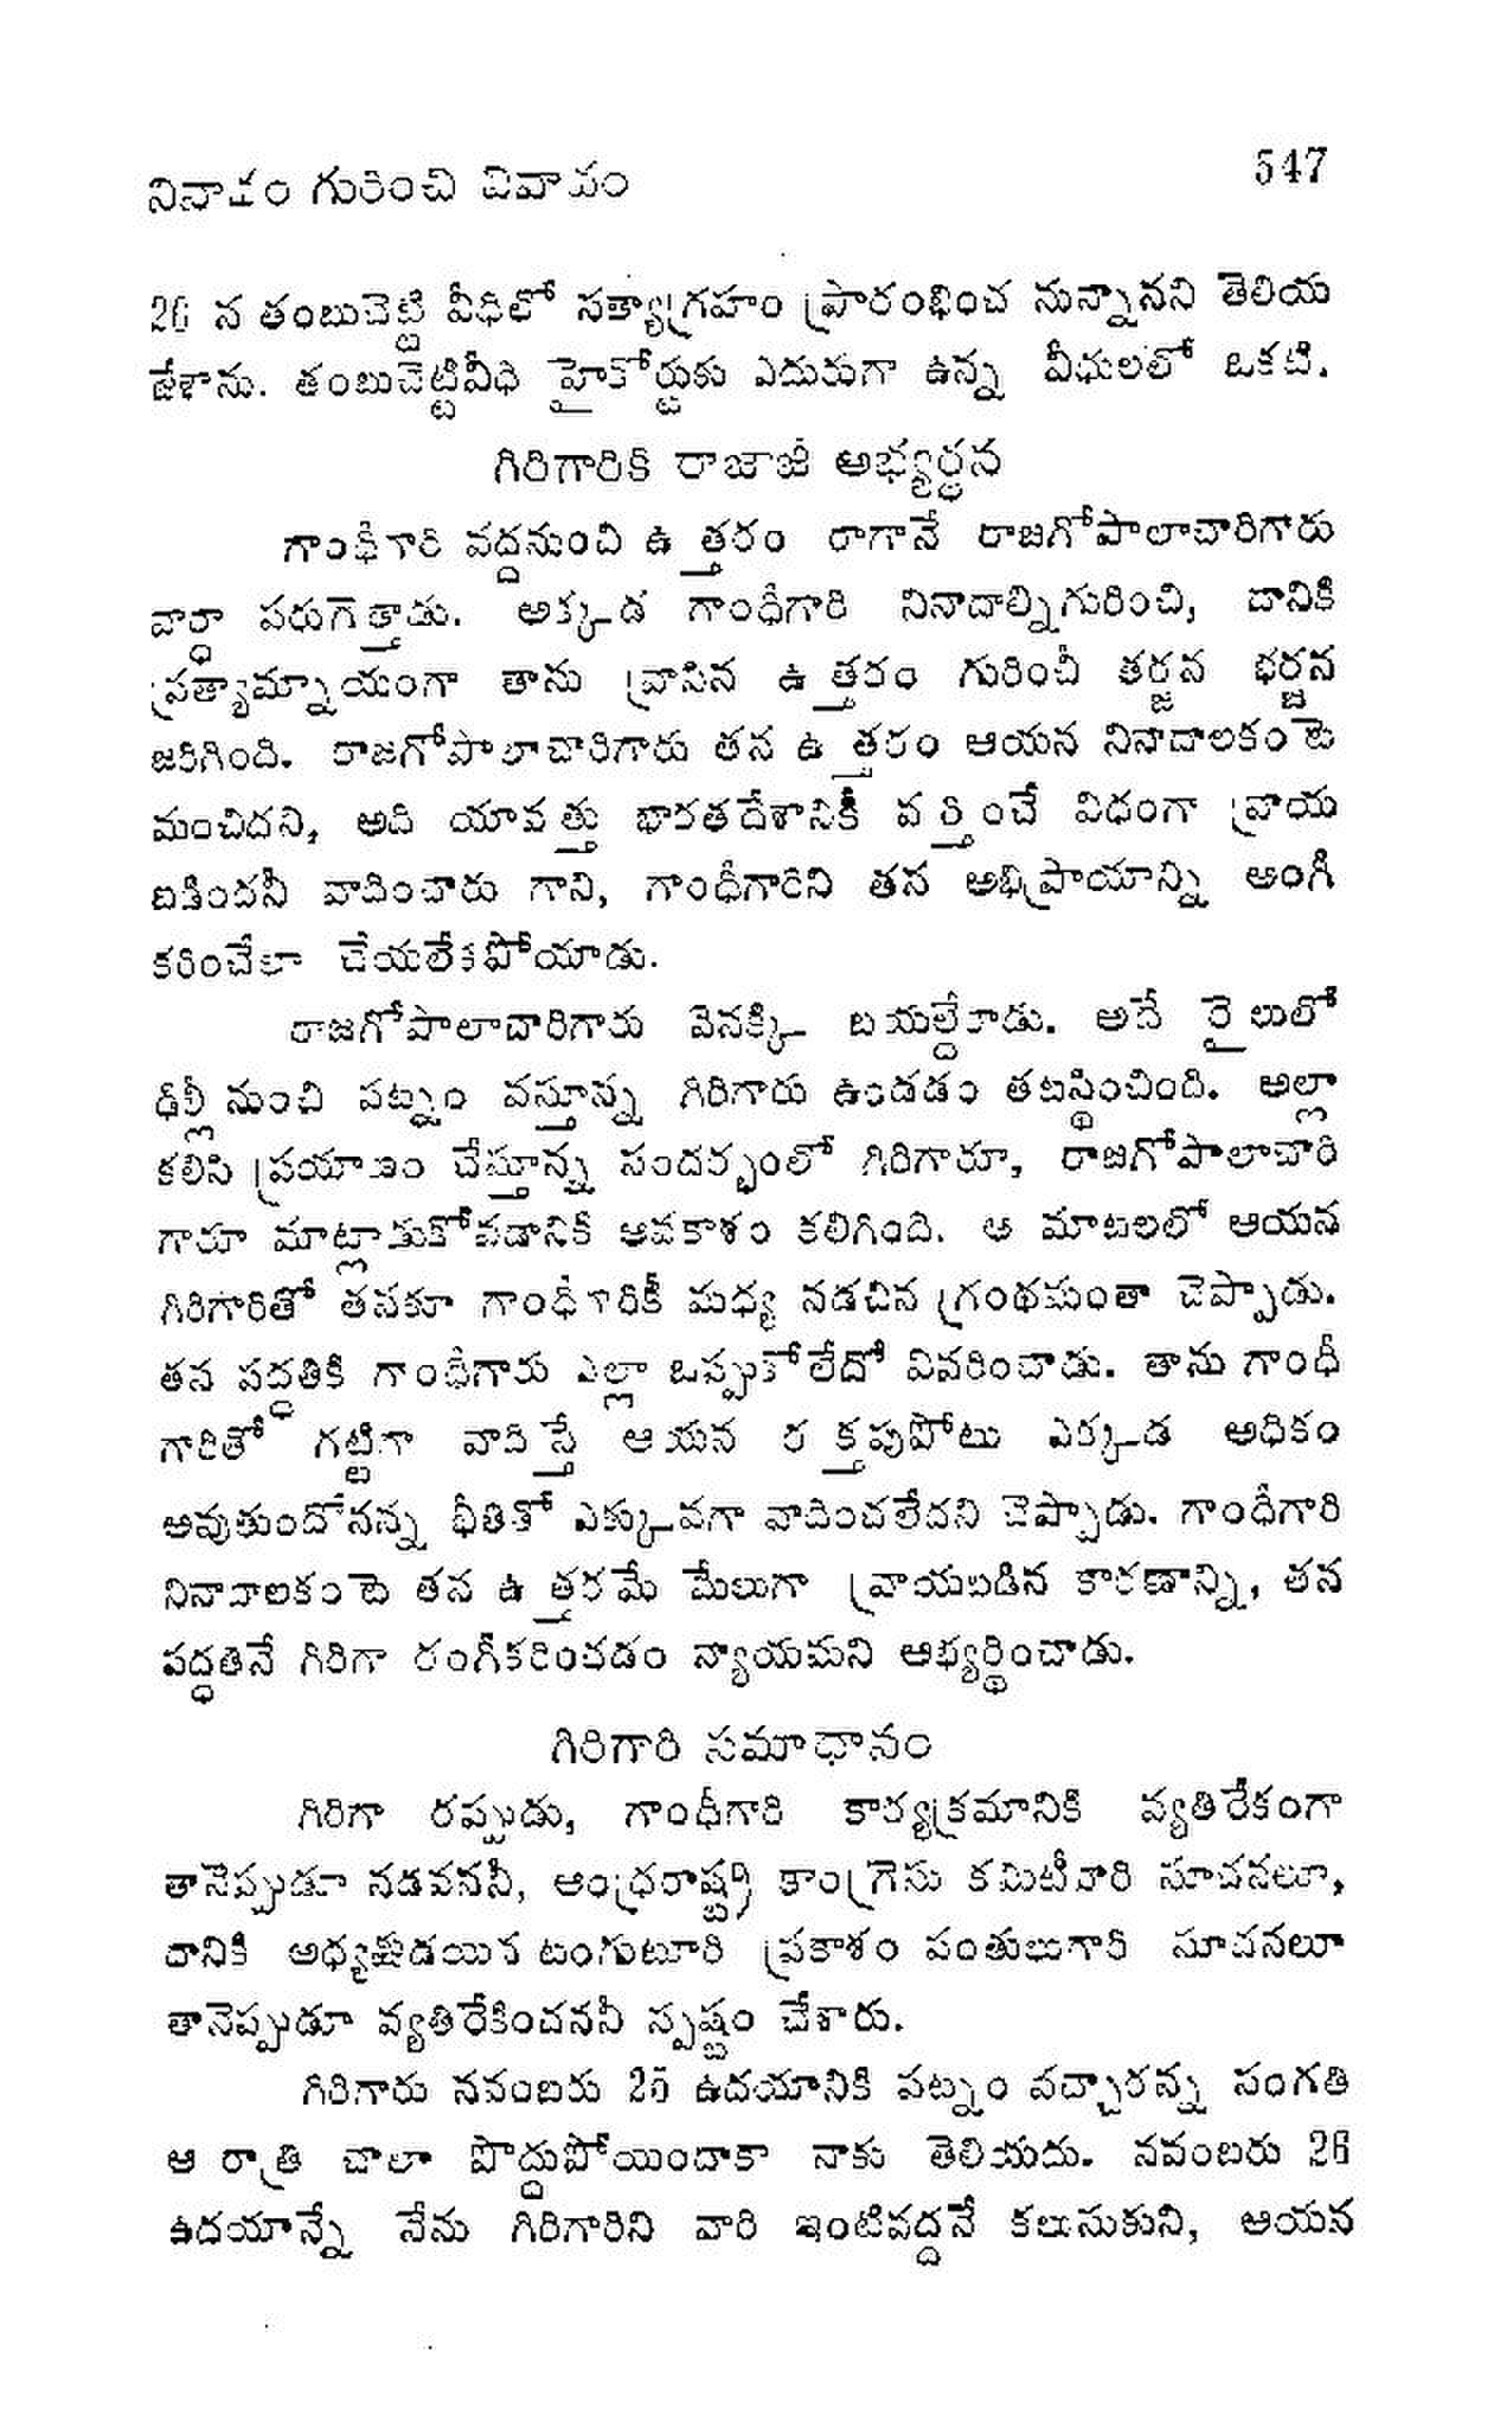26 న తంబుచెట్టి వీధిలో సత్యాగ్రహం ప్రారంభించ నున్నానని తెలియజేశాను. తంబుచెట్టి వీధి హైకోర్టుకు ఎదురుగా ఉన్న వీధులలో ఒకటి.

గాంధీగారి వద్దనుంచి ఉత్తరం రాగానే రాజగోపాలాచారిగారు వార్ధా పరుగెత్తాడు. అక్కడ గాంధీగారి నినాదాల్నిగురించి, దానికి ప్రత్యామ్నాయంగా తాను వ్రాసిన ఉత్తరం గురించీ తర్జన భర్జన జరిగింది. రాజగోపాలాచారిగారు తన ఉత్తరం ఆయన నినాదాలకంటె మంచిదని, అది యావత్తు భారతదేశానికీ వర్తించే విధంగా వ్రాయబడిందనీ వాదించారు గాని, గాంధీగారిని తన అభిప్రాయాన్ని అంగీకరించేలా చేయలేక పోయాడు.

రాజగోపాలాచారిగారు వెనక్కి బయల్దేరాడు. అదే రైలులో డిల్లీ నుంచి పట్నం వస్తూన్న గిరిగారు ఉండడం తటస్థించింది. అల్లా కలిసి ప్రయాణం చేస్తూన్న సందర్భంలో గిరిగారూ, రాజగోపాలాచారిగారూ మాట్లాడుకోవడానికి అవకాశం కలిగింది. ఆ మాటలలో ఆయన గిరిగారితో తనకూ గాంధీగారికీ మధ్య నడచిన గ్రంథమంతా చెప్పాడు. తన పద్దతికి గాంధీ గారు ఎల్లా ఒప్పుకోలేదో వివరించాడు. తాను గాంధీగారితో గట్టిగా వాదిస్తే ఆయన రక్తపు పోటు ఎక్కడ అధికం అవుతుందోనన్న భీతితో ఎక్కువగా వాదించలేదని చెప్పాడు. గాంధీగారి నినాదాల కంటె తన ఉత్తరమే మేలుగా వ్రాయబడిన కారణాన్ని, తన పద్దతినే గిరిగా రంగీకరించడం న్యాయమని అభ్యర్థించాడు.

గిరిగా రప్పుడు, గాంధీగారి కార్యక్రమానికి వ్యతిరేకంగా తానెప్పుడూ నడవననీ, ఆంధ్రరాష్ట్ర కాంగ్రెసు కమిటీవారి సూచనలూ, దానికి అధ్యక్షుడయిన టంగుటూరి ప్రకాశం పంతులు గారి సూచనలూ తానెప్పుడూ వ్యతిరేకించననీ స్పష్టం చేశారు.

గిరిగారు నవంబరు 25 ఉదయానికి పట్నం వచ్చారన్న సంగతి ఆ రాత్రి చాలా పొద్దుపోయిందాకా నాకు తెలియదు. నవంబరు 26 ఉదయాన్నే నేను గిరిగారిని వారి ఇంటివద్దనే కలుసుకుని, ఆయన